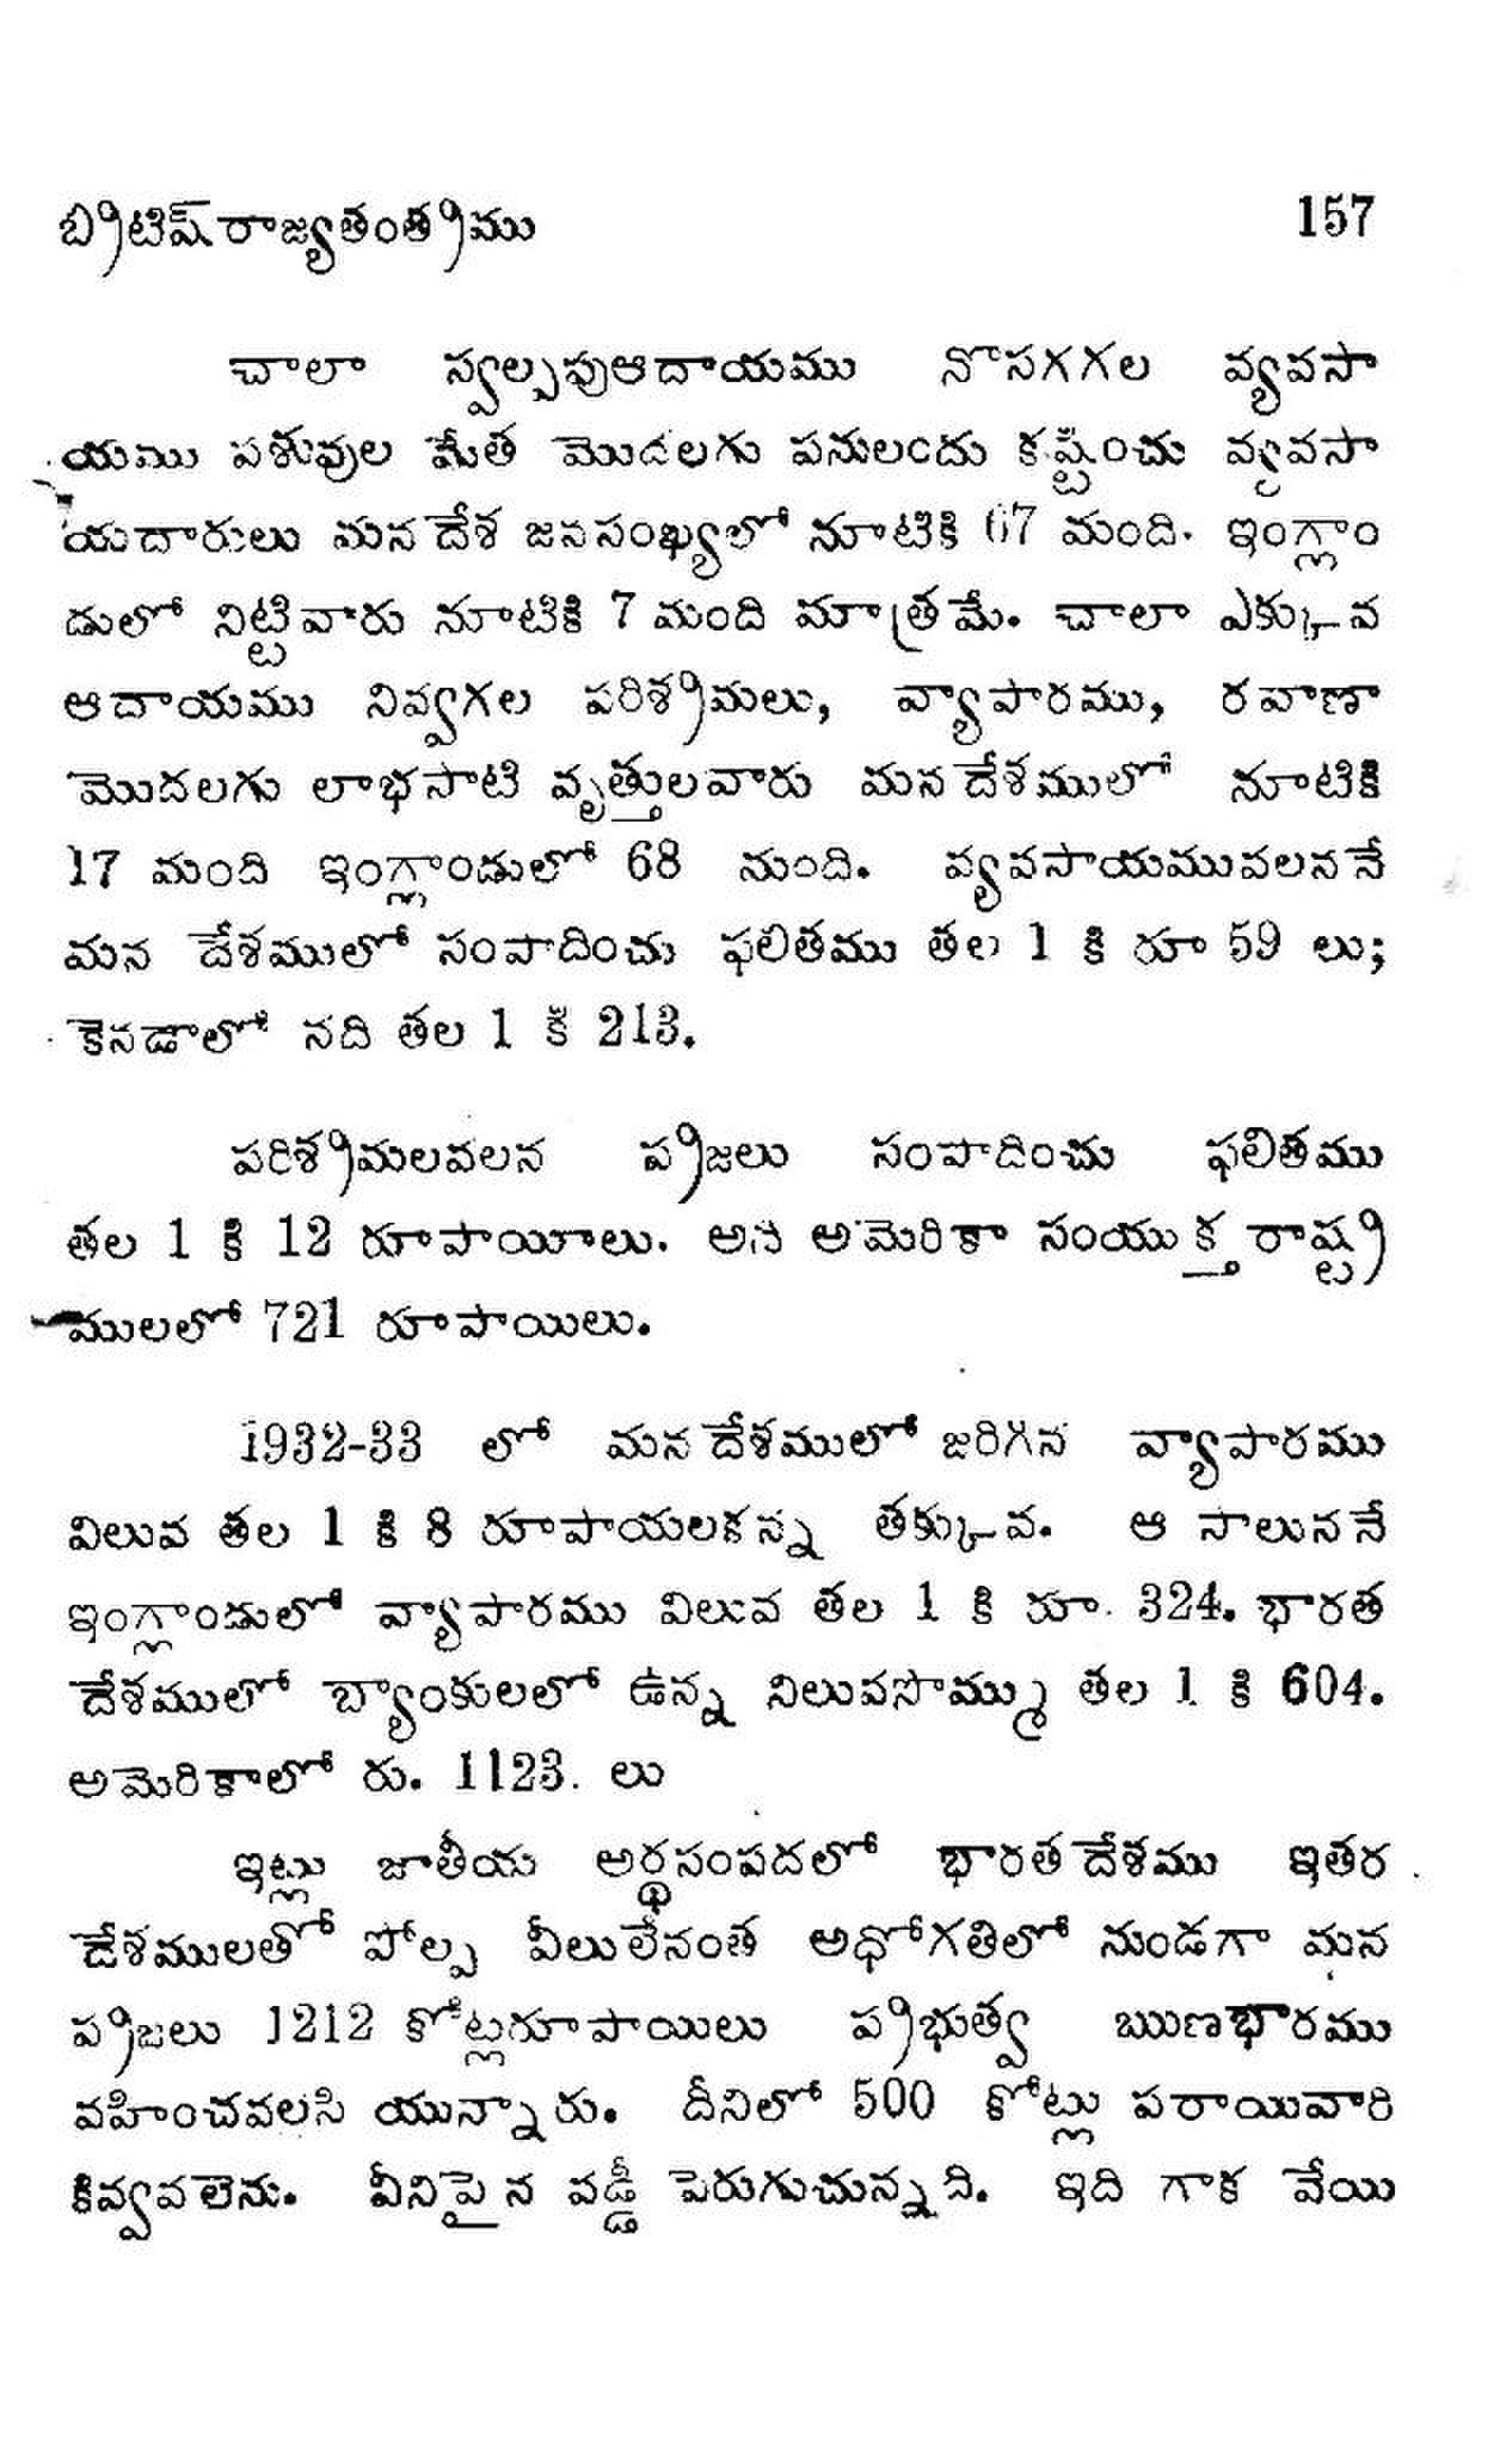చాలా స్వల్పపుఆదాయము నొసగగల వ్యవసాయము పశువుల మేత మొదలగు పనులందు కష్టించు వ్యవసాయదారులు మనదేశ జనసంఖ్యలో నూటికి 67 మంది. ఇంగ్లాండులో నిట్టివారు నూటికి 7 మంది మాత్రమే. చాలా ఎక్కువ ఆదాయము నివ్వగల పరిశ్రమలు, వ్యాపారము, రవాణా మొదలగు లాభసాటి వృత్తులవారు మనదేశములో నూటికి 17 మంది. ఇంగ్లాండులో 68 నుంది. వ్యవసాయమువలననే మన దేశములో సంపాదించు ఫలితము తల 1 కి రూ 59 లు; - కెనడాలో నది తల 1 కి 213.

పరిశ్రమలవలన ప్రజలు సంపాదించు ఫలితము తల 1 కి 12 రూపాయీలు. అది అమెరికా సంయుక్త రాష్ట్రములలో 721 రూపాయిలు.

1932-33 లో మనదేశములో జరిగిన వ్యాపారము విలువ తల 1కి 8 రూపాయలకన్న తక్కువ. ఆ సాలుననే ఇంగ్లాండులో వ్యాపారము విలువ తల 1 కి రూ. 324. భారతదేశములో బ్యాంకులలో ఉన్న నిలువసొమ్ము తల 1 కి 604. అమెరికాలో రు. 1123. లు

ఇట్లు జాతీయ అర్ధసంపదలో భారతదేశము ఇతర దేశములతో పోల్ప వీలులేనంత అధోగతిలో నుండగా మనప్రజలు 1212 కోట్లరూపాయిలు ప్రభుత్వ ఋణభారము వహించవలసి యున్నారు. దీనిలో 500 కోట్లు పరాయివారి కివ్వవలెను. వీనిపైన వడ్డీ పెరుగుచున్నది. ఇది గాక వేయి